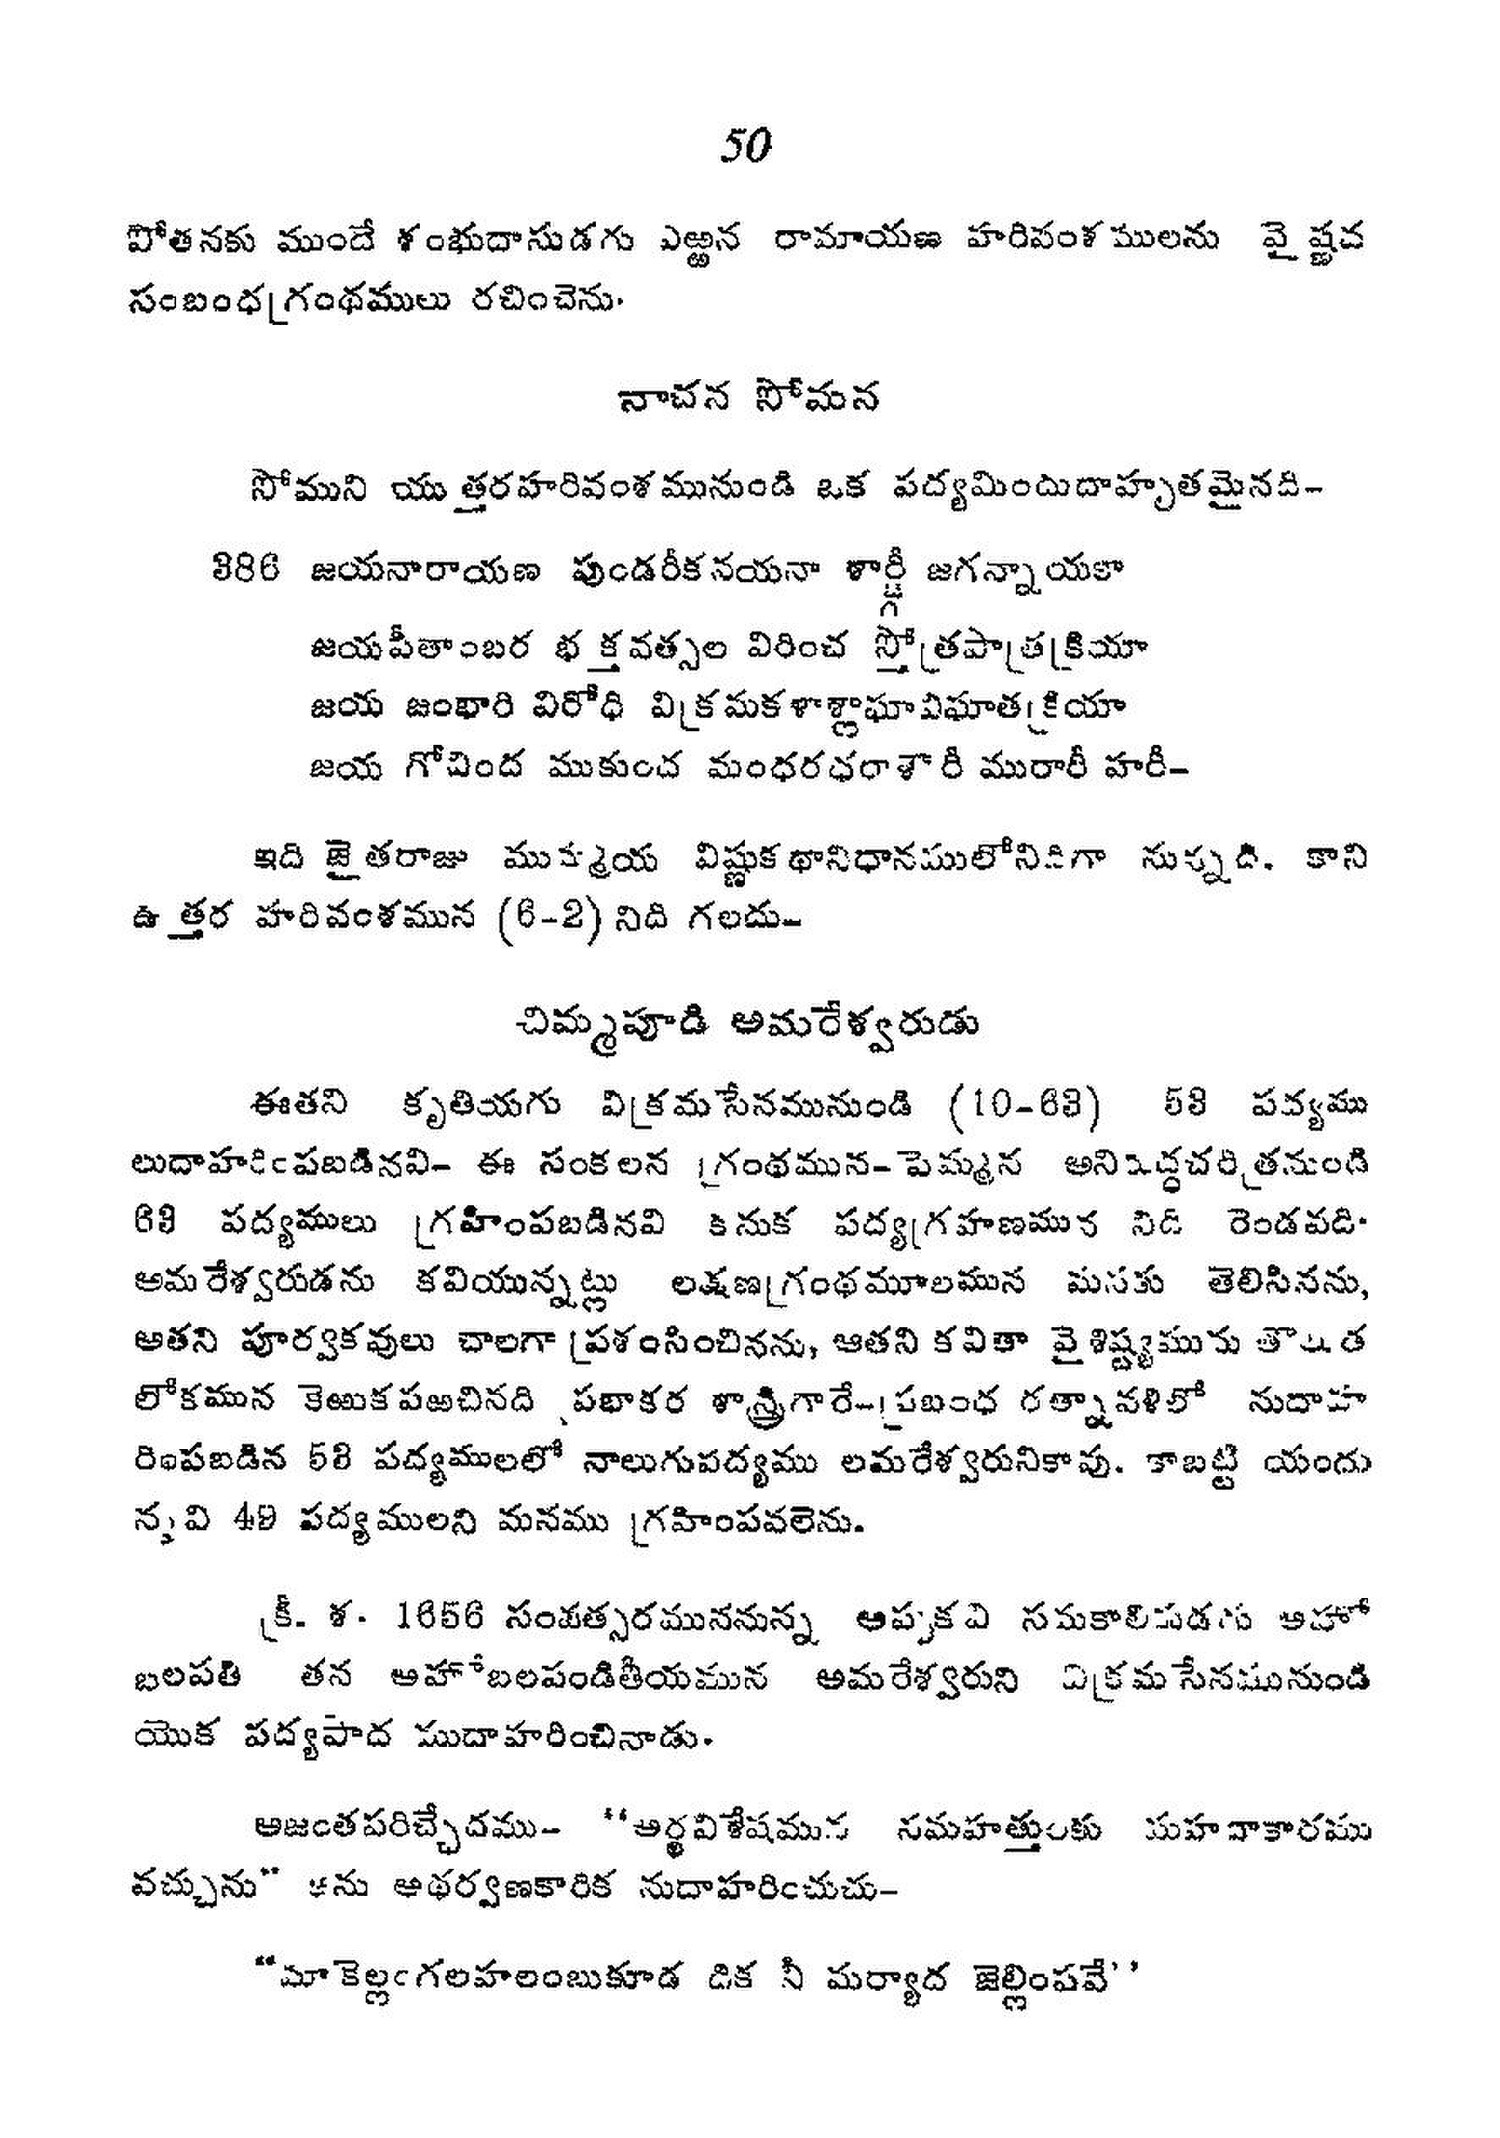పోతనకు ముందే శంభుదాసుడగు ఎఱ్ఱన రామాయణ హరివంశ ములను వైష్ణవ
సంబంధ గ్రంథములు రచించెను.

సోముని యుత్తరహరివంశమునుండి ఒక పద్యమిందుదాహృతమైనది-

386 జయనారాయణ పుండరీక నయనా శార్జీ జగన్నాయకా
జయపీతాంబర భక్తవత్సల విరించ స్తోత్రపాత్రక్రియా
జయ జంభారి విరోధి విక్రమకళాఖాఘా విఘాత క్రియా
జయ గోవింద ముకుంద మంధరగరాశారీ మురారీ హరీ-

ఇది జైతరాజు ముమ్మయ విష్ణుకథానిధానములోనివిగా నున్నది. కాని
ఉత్తర హరివంశమున (8-2) నిది గలదు--

ఈతని కృతియగు విక్రమ సేనమునుండి (10-83)58 పద్యము
లుదాహరింపబడినవి. ఈ సంకలన గ్రంథమున- పెమ్మన అని పెద్దచరిత్రనుండి
63 పద్యములు గ్రహింపబడినవి కనుక పద్యగ్రహణమున నిది రెండవది.
అమరేశ్వరుడను కవియున్నట్లు లక్షణ గ్రంథమూలమున మనకు తెలిసినను,
అతని పూర్వకవులు చాలగా ప్రశంసించినను, ఆతని కవితా వైశిష్ట్యమును తొలత
లోకమున కెఱుక పఱచినది ప్రభాకర శాస్త్రి గారే- ప్రబంధ రత్నావళిలో సుదాహ
రింపబడిన 53 పద్యములలో నాలుగుపద్యము లమరేశ్వరునికావు. కాబట్టి యందు
నవి 48 పద్యములని మనము గ్రహింపవలెను.

క్రీ. శ. 1856 సంవత్సరముననున్న అప్పకవి సమకాలికుడగు అహో
బలపతి తన అహా బలపండి తీయమున అమరేశ్వరుని విక్రమ సేనమునుండి
యొక పద్యపాద ముదాహరించినాడు.

అజంతపరిచ్ఛేదము - “అర్థవిశేషము.. సమహత్తులకు మహనాకారము
వచ్చును" అను ఆథర్వణకారిక నుదాహరించుచు-

“మాకెల్లఁ గలహరింబుకూడ డిక నీ మర్యాద జెల్లింపవే ”